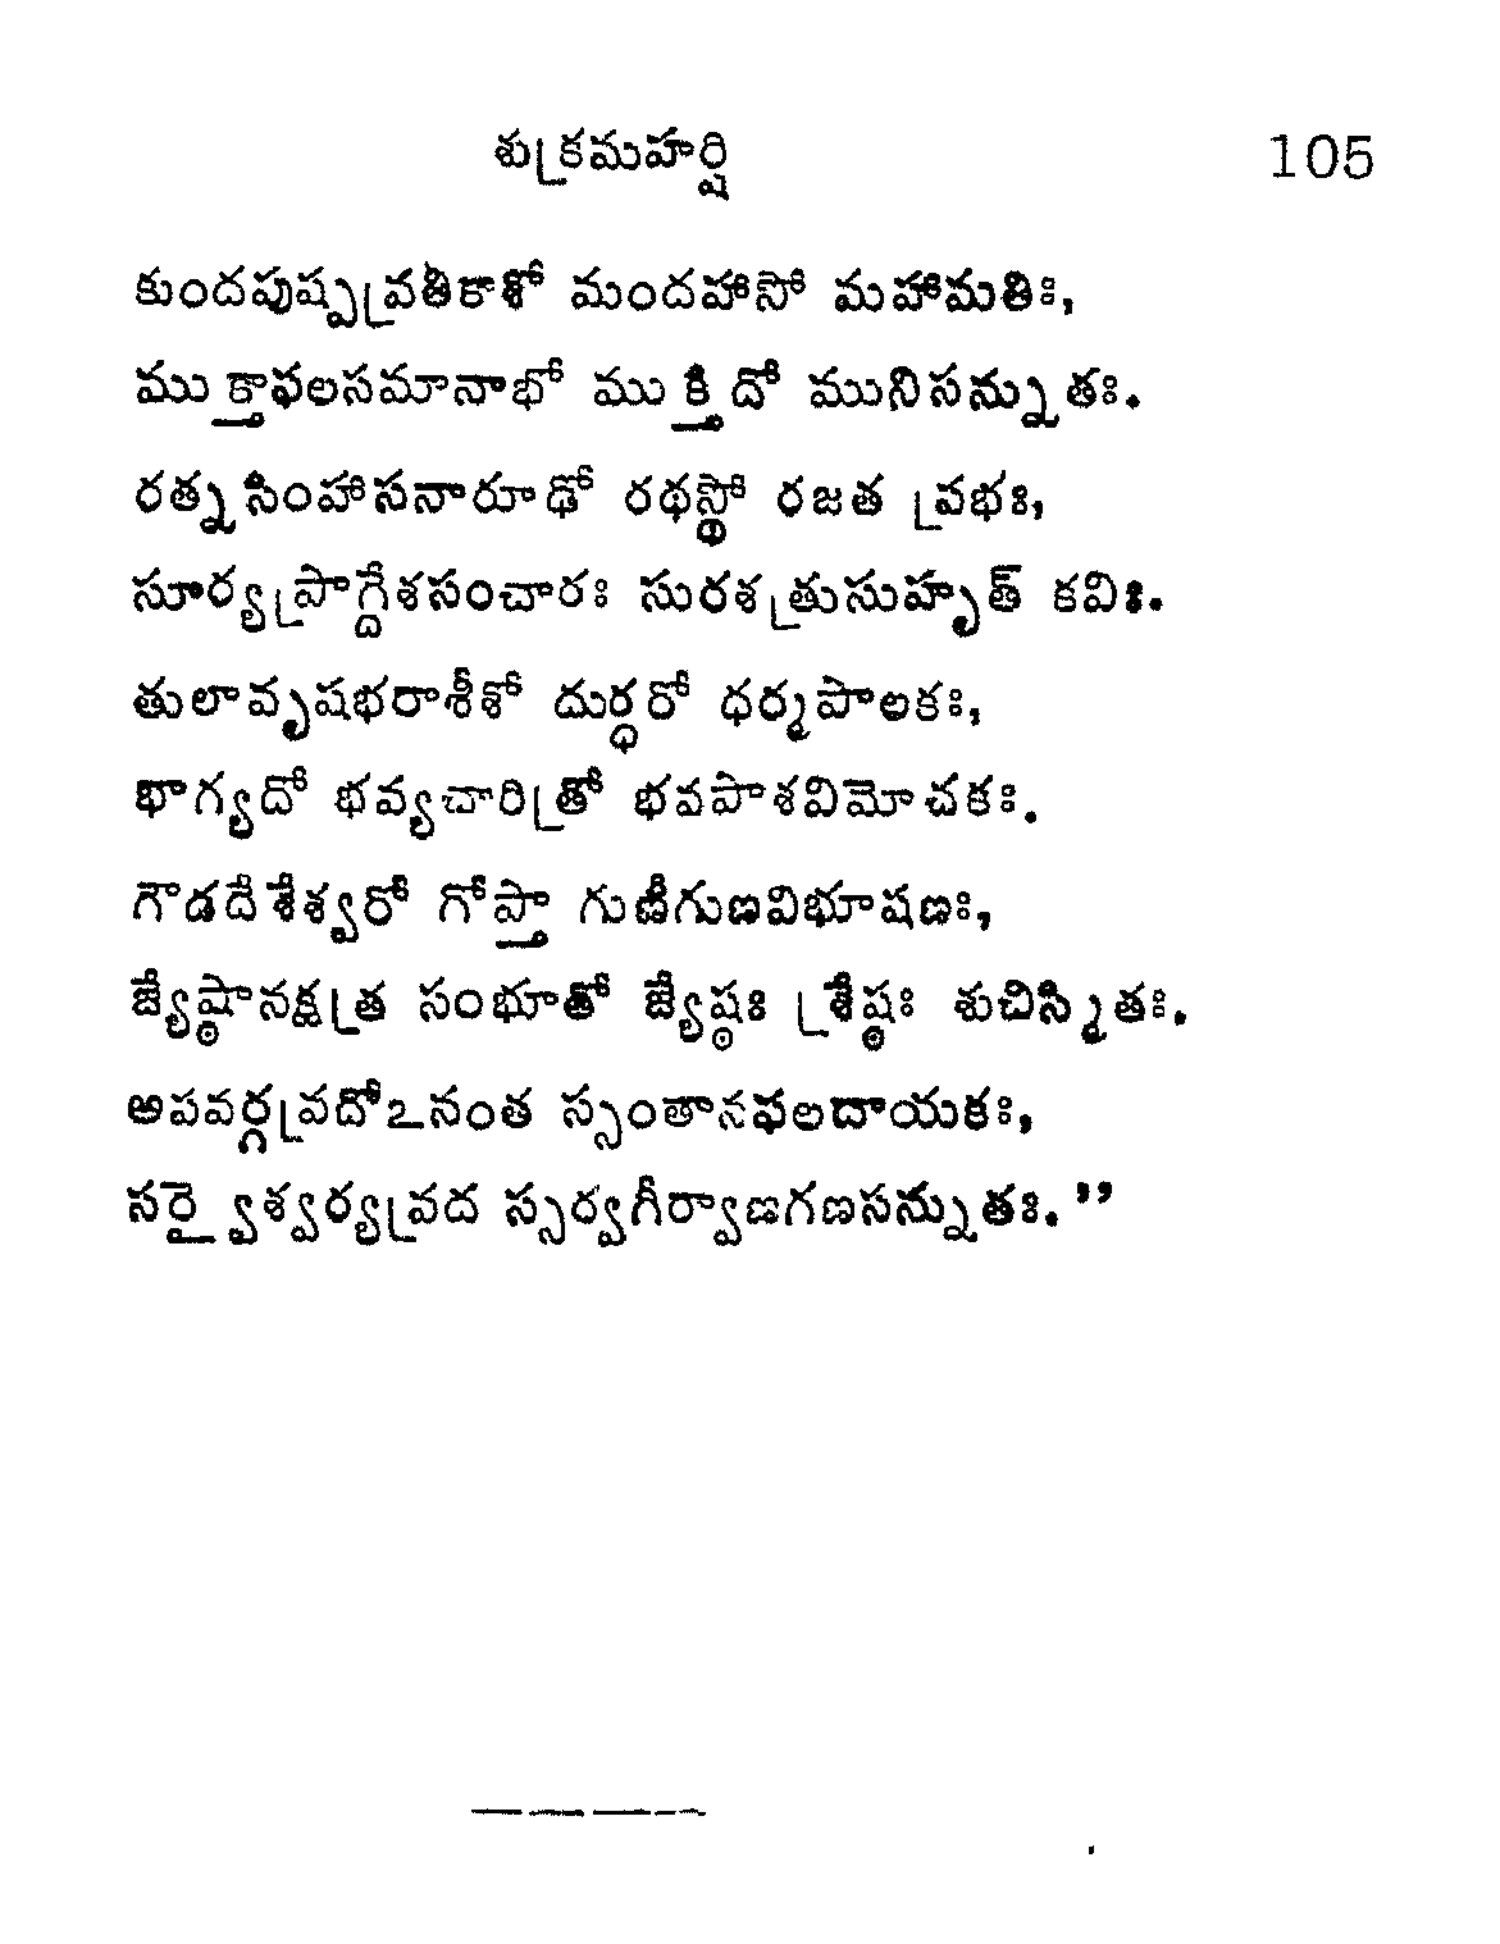కుందపుష్పప్రతీకాశో మందహాసో మహామతిః, 
ముక్తాఫలసమానాభో ముక్తిదో మునిసన్నుతః, 
రత్న సింహాసనారూడో రథస్థో రజత ప్రభః, 
సూర్యప్రాగ్దేశసంచారః సురశత్రుసుహృత్ కవిః. 
తులావృషభరాశీశో దుర్ధరో ధర్మపాలకః,
భాగ్యదో భవ్యచారిత్రో భవపాశవిమోచకః, 
గౌడదేశేశ్వరో గోప్తా గుణీగుణవిభూషణః, 
జ్యేష్ఠానక్షత్ర సంభూతో జ్యేష్ఠః శ్రేష్ఠః శుచిస్మితః, 
అపవర్గవ్రదో౽నంత స్సంతానఫలదాయకః, 
సర్వైశ్వర్యప్రద స్సర్వగీర్వాణగణసన్నుతః. "